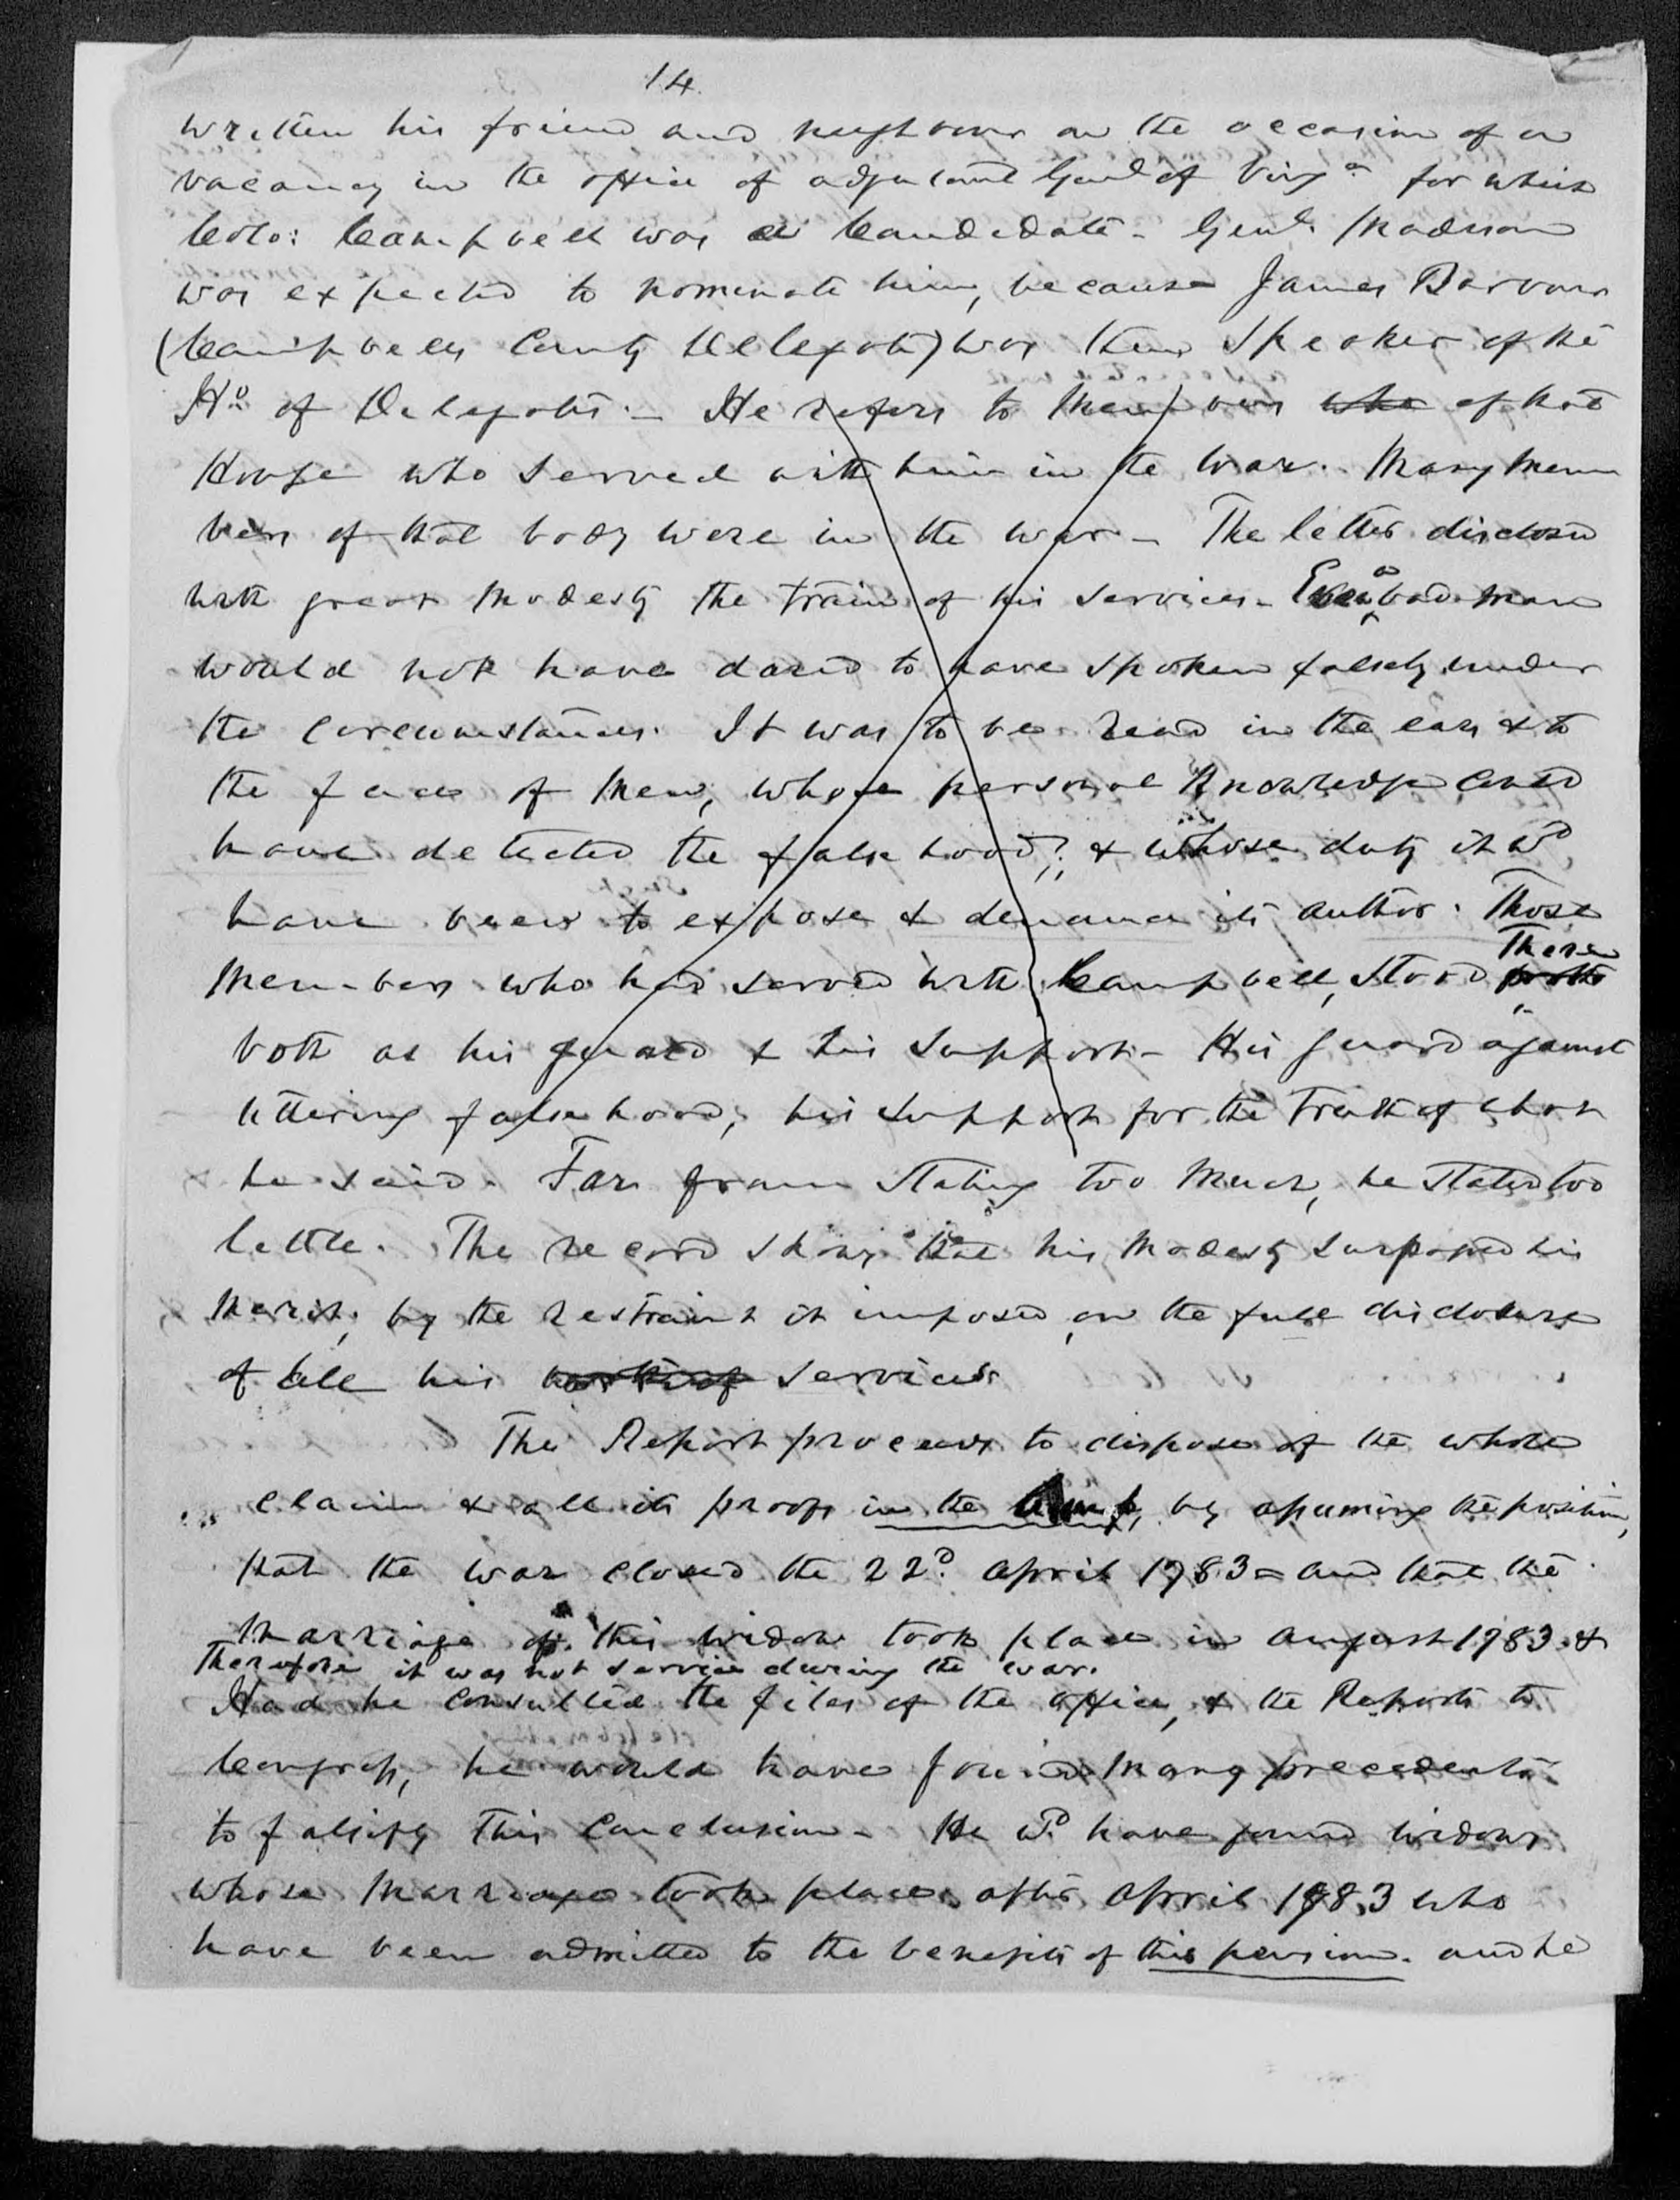14
written his friend and neighbour on the occasion of a vacancy in the office of adjutant Gen'l of Virg'a for which Colo. Campbell was a candidate.  Gen'l Madison was expected to nominate him, because James Barbour (Campbells County Delegate) was then Speaker of the Ho. of Delegates.  He refers to members [marked out: who] of that House who served with him in the war.  Many members of that body were in the war.  The letter disclosed with [?] modesty the train of his services.  Even a bad man would not have dared to have spoken falsely under the circumstances.  It was to be read in the ears & to the faces of men, whose personal knowledge could have detected the falsehood? & whose duty it w'd have been to expose & denounce its author.  Those members who had served with Campbell  stood there both as his guard & his support.  His guard against uttering falsehood, his support for the Truth of what he said.  Far from stating too much, he stated too little.  The record shows that his modesty surpassed his merit, by the restraint it imposed on the full disclosure of all his services.
The Report [?] to dispose of the whole claim & all its proofs in the [?], by assuming the position, that the war closed the 22d April 1783 - and that the marriage of this widow took place in August 1783 &  Therefore it was not service during the war.
Had he consulted the files of the office, & the Reports to Congress, he would have found many precedents to falsify this conclusion.  He w'd have found widows whose marriage took place after April 1783 who have been admitted to the benefits of this pension. and he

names: Campbell, Madison, Campbell, James Barbour, Campbell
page: 236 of 267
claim: widow's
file: W. 4,149, William Campbell, Va.